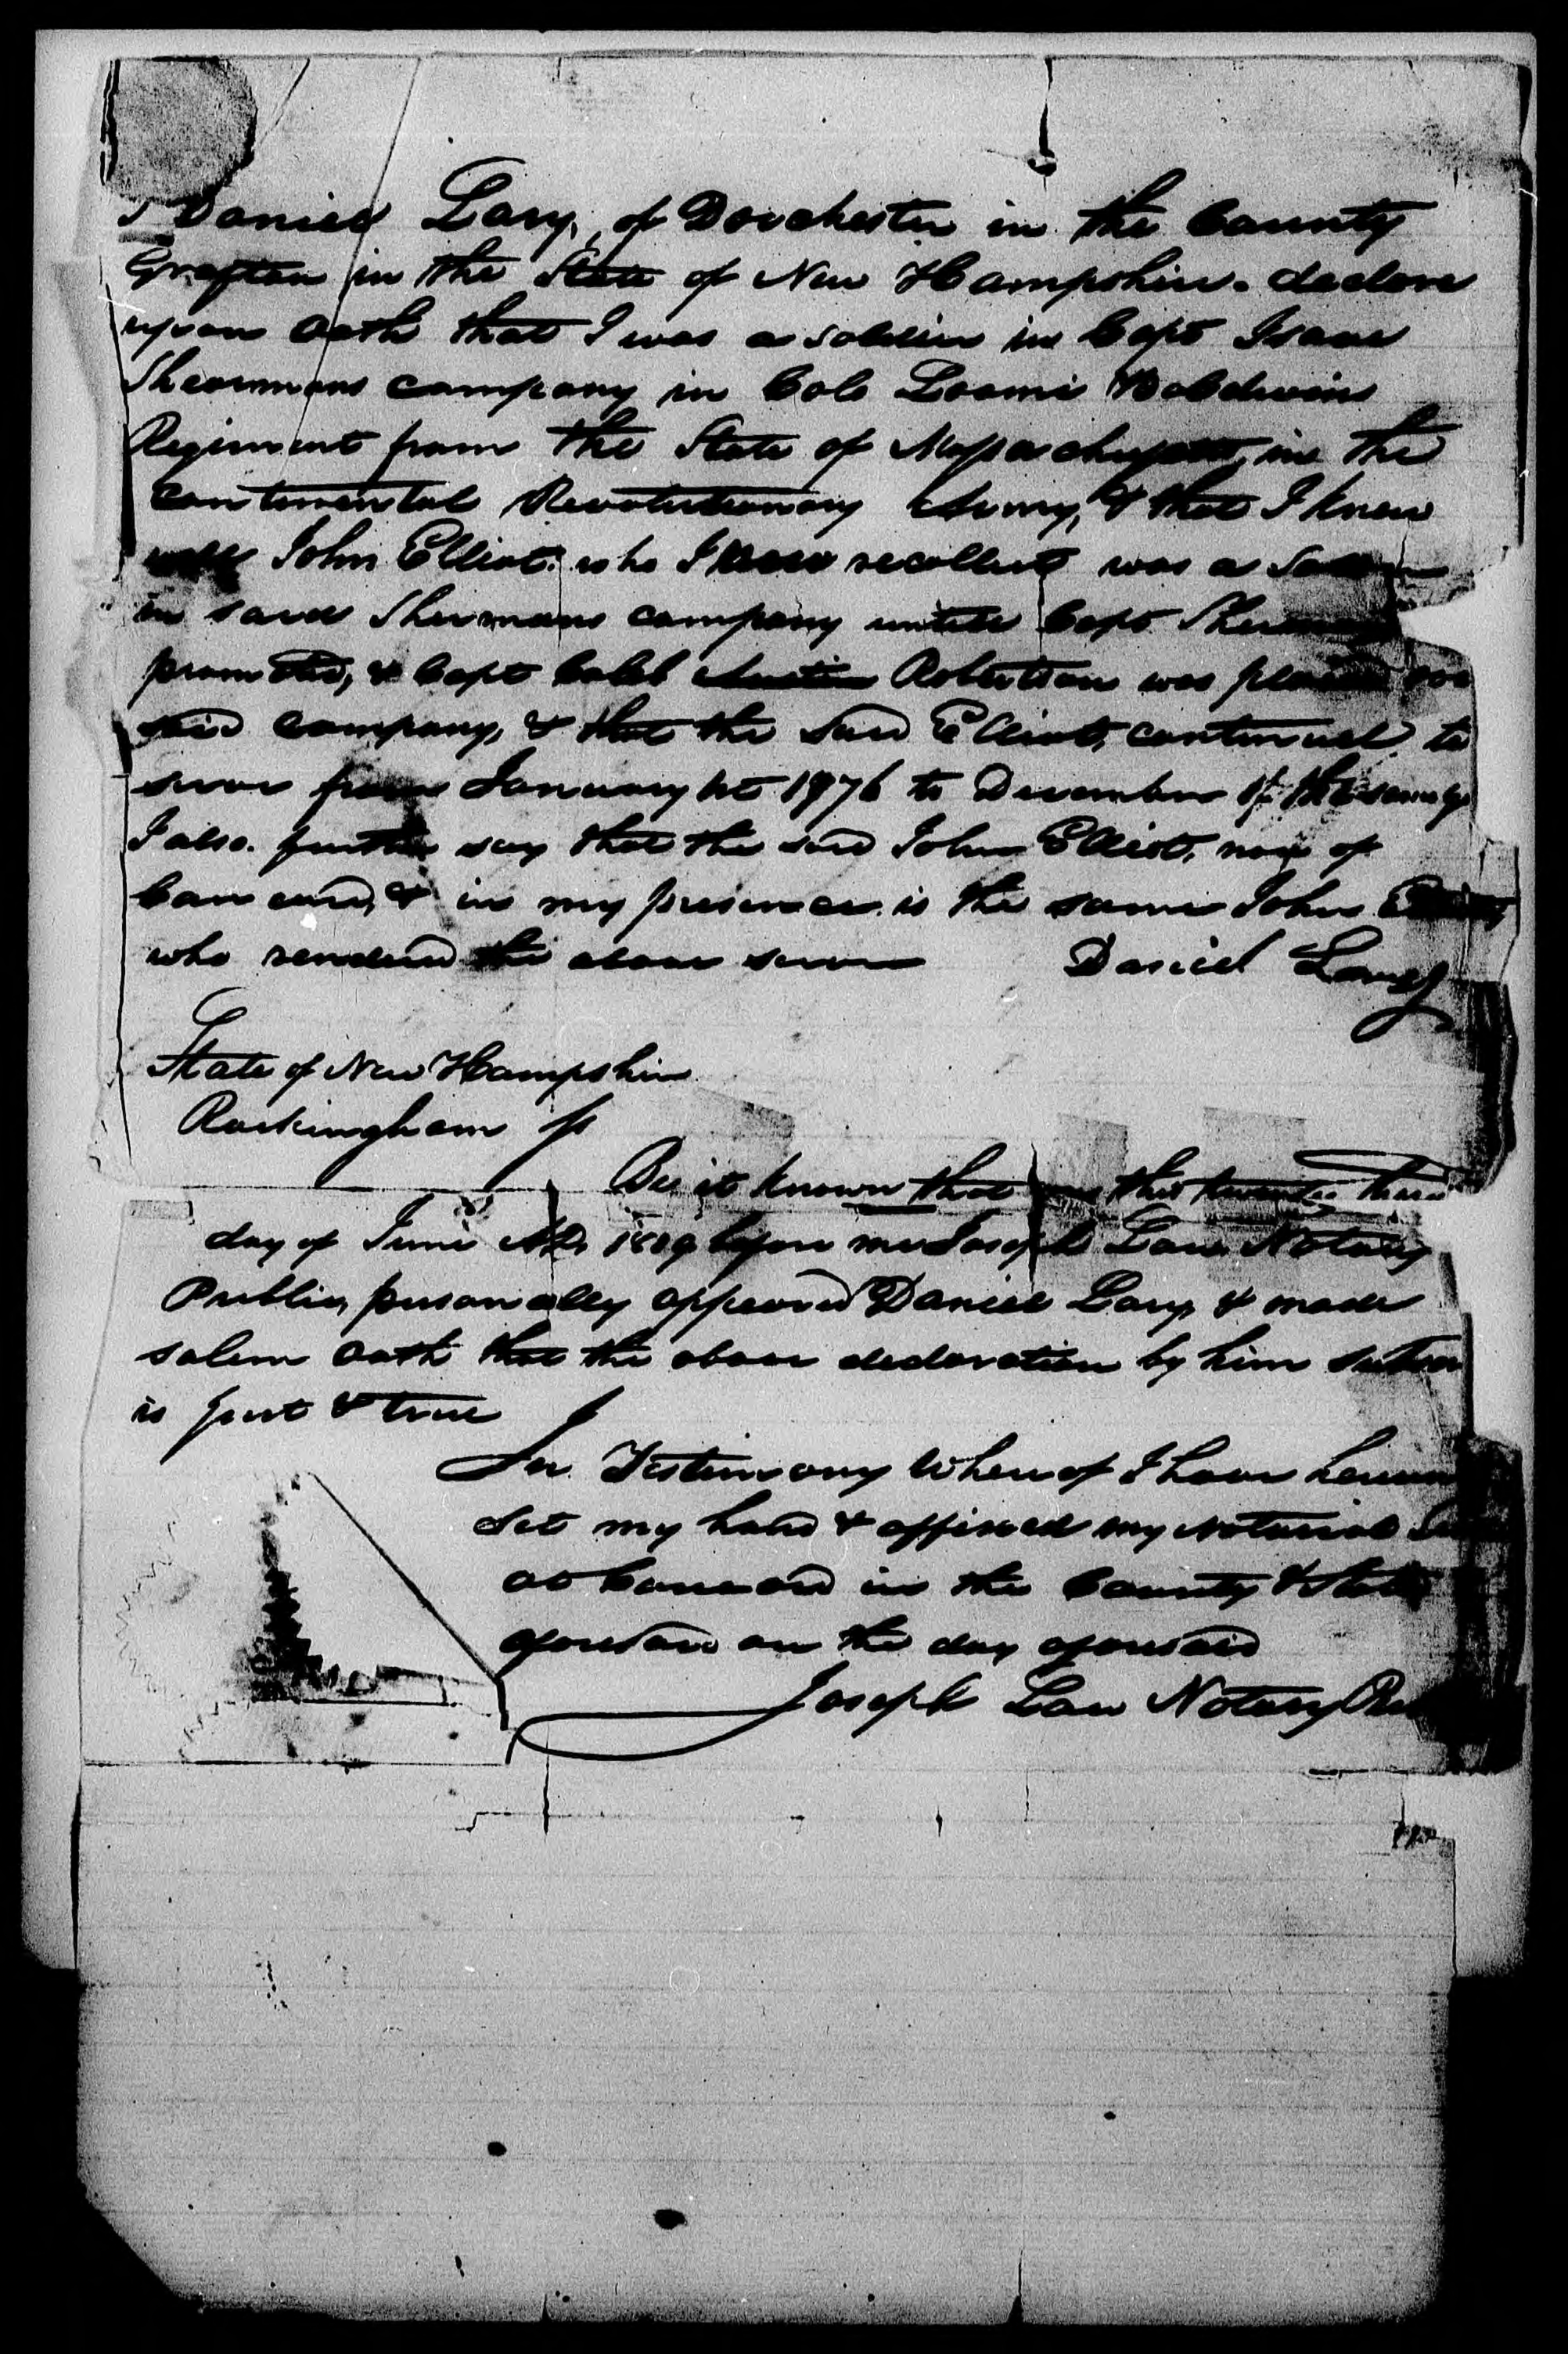Daniel Lary of Dorchester in the County
Grafton in the State of New Hampshire declare
upon oath that I was a soldier in Cap Isaac
Shermans company in Colo Loamis Baldwins
Regiment from the State of Massachusetts in the
Continental Revolutionary army & that I know
John Elliot who I now recollect was a soldier
in said Shermans company untill capt Sherman
promoted, & Capt Call Robertson was placed
said company & that the said Elliott continued to
sever January A. D. 1776 to December [illegible]
I also further say that the said John Elliot, now of
Canand & in my presence is the same John E
who seemed to serve
Daniel Long
State of New Hampshire
Rockingham ss

[illegible] known that this
day of June AD. 1819 before me Joseph Law Notary
Public personally appeared Daniel Lary & made solem Oath that the above declaration by him
 is Just & true
In Testimony whereof I have hereunto
set my hand & affixed my Notarial seal 
at Concord in the County & State
aforesaid on the day aforesaid
Joseph Law Notary [illegible]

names: Daniel Lary, Daniel Lary, John Elliot, Joseph Law, Sherman, Caleb Robertson, John Elliot, Daniel Lary, Elliot, John Elliot, Joseph Law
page: 37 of 57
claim: widow's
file: W. 16,114, John Elliot, Continental (Mass) N.H.